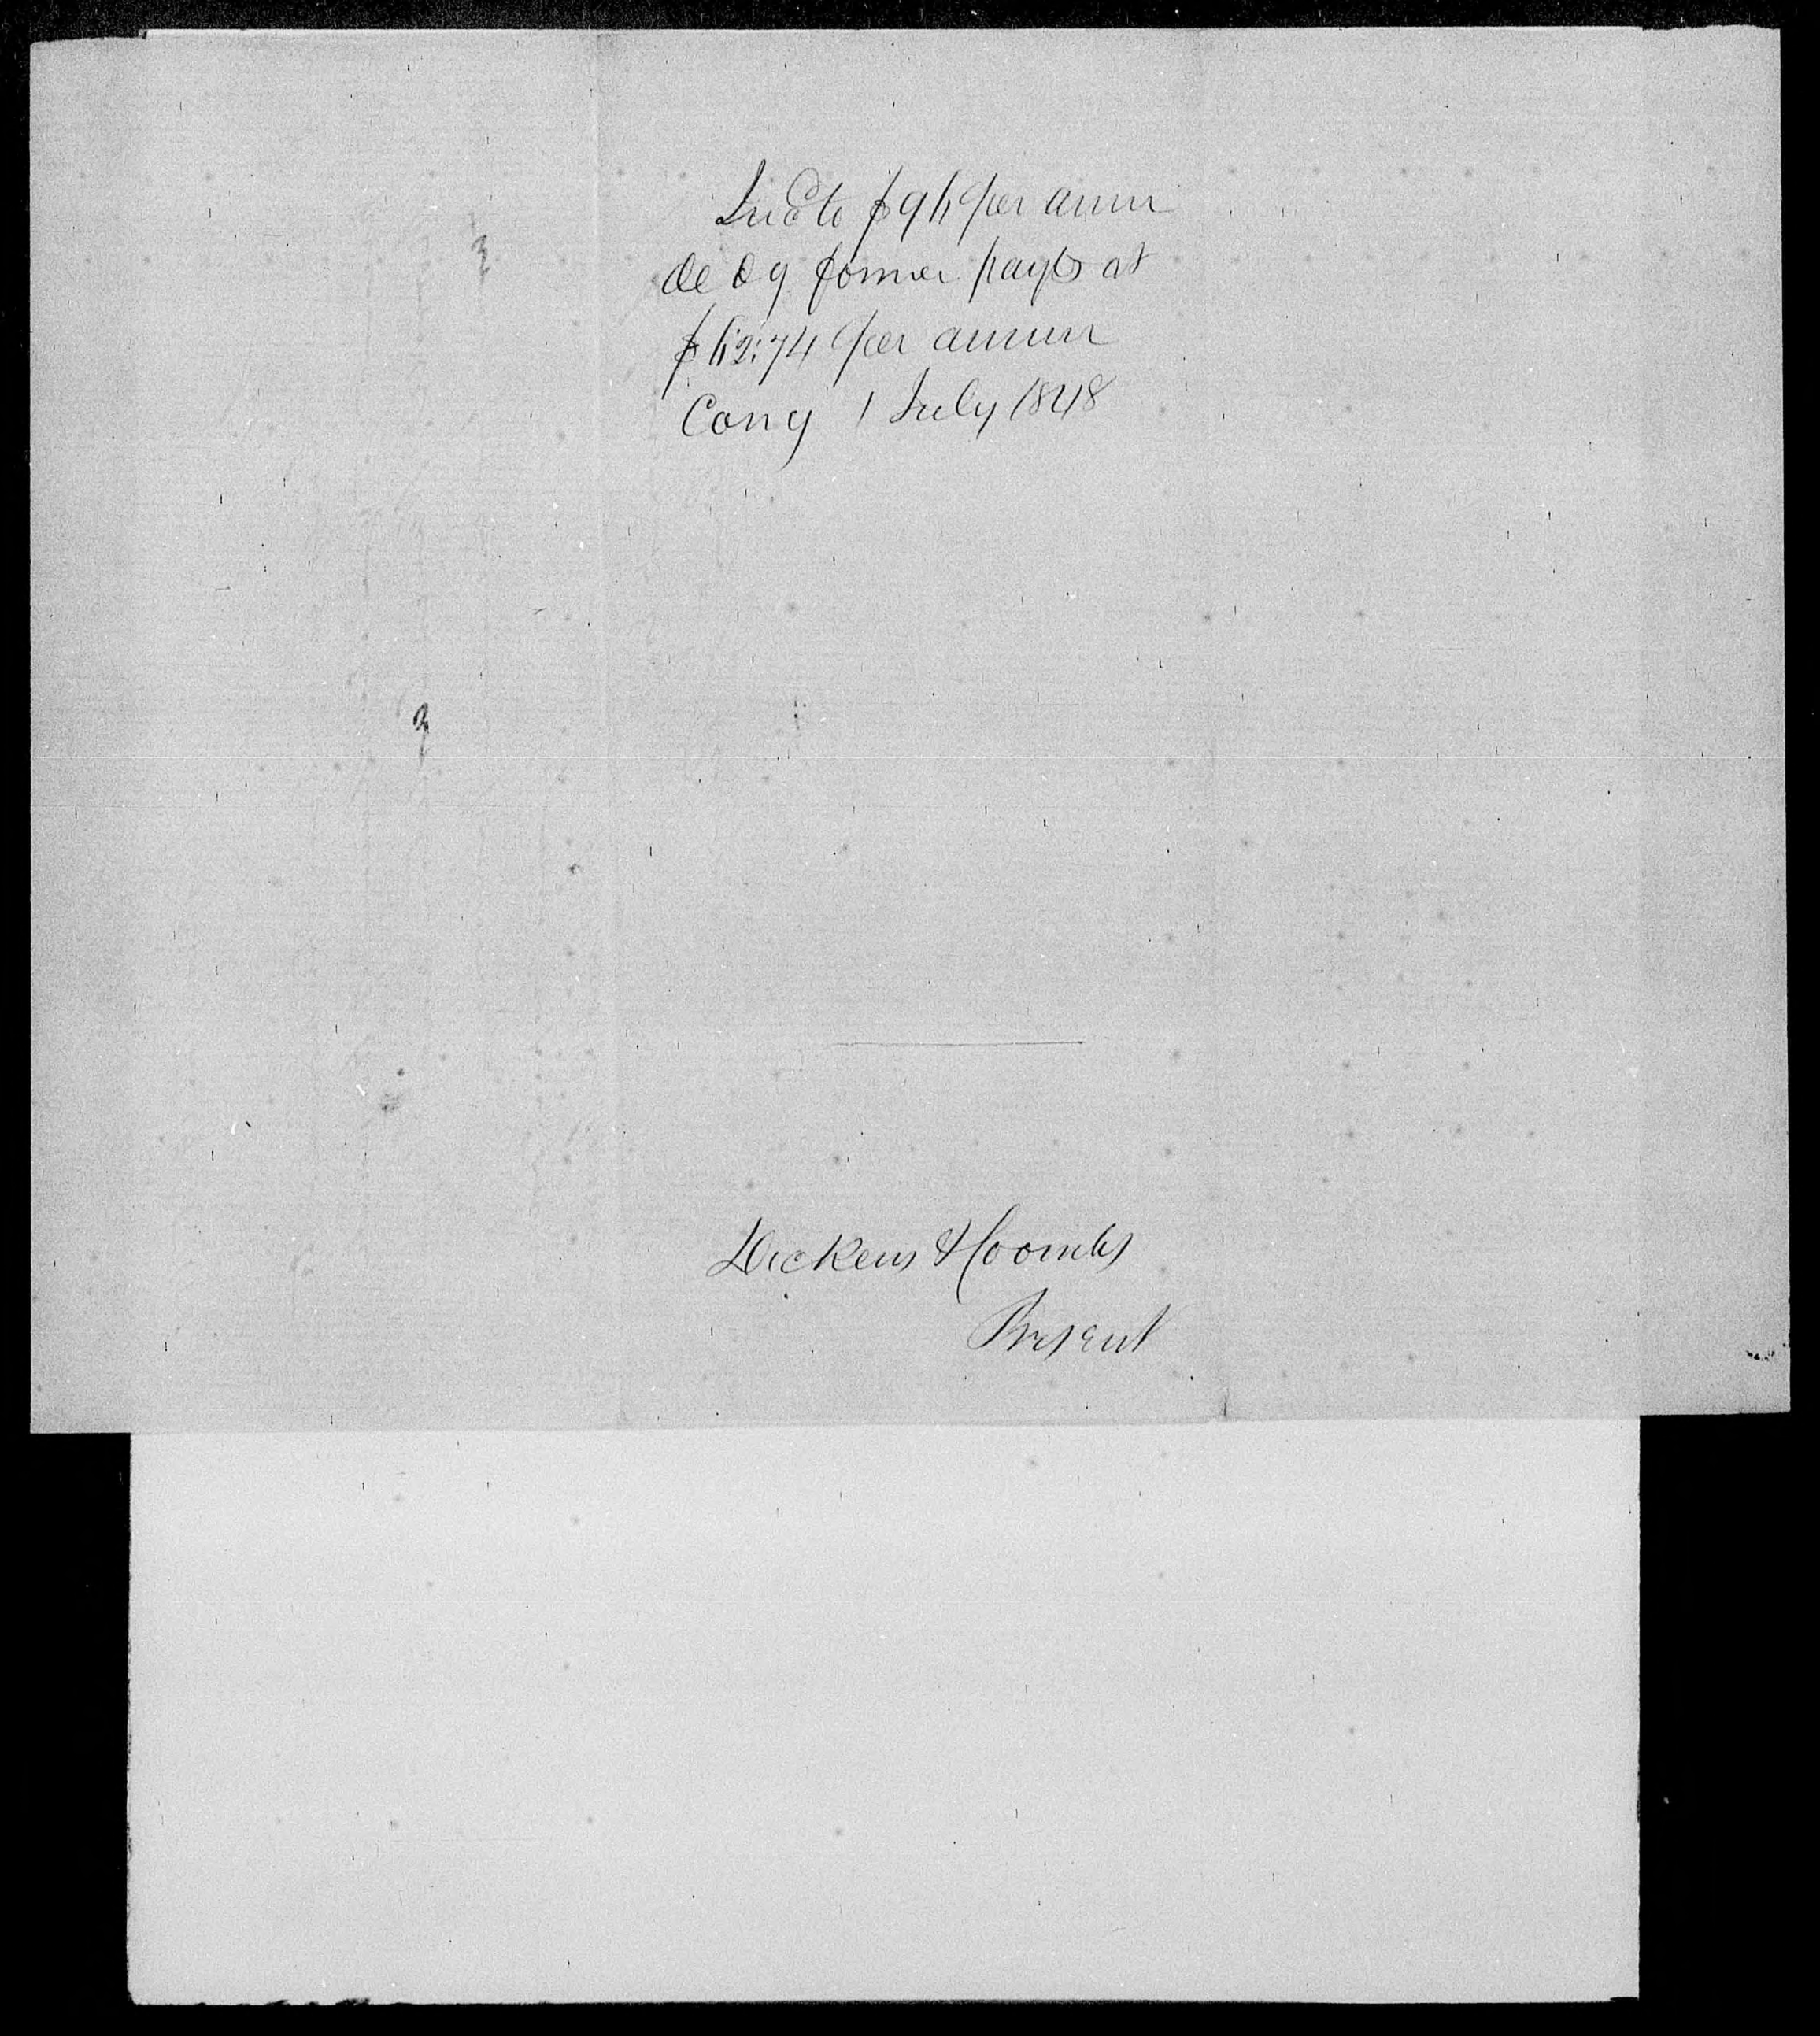And to $96 per ann de & former payts at 1 $62.74 per annum 1 
Congratulations 1 July 1848 
Dickens & Coombs Present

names: Dickens, Coombs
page: 61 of 67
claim: widow's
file: W. 23183, Jesse Hardy, Mass.